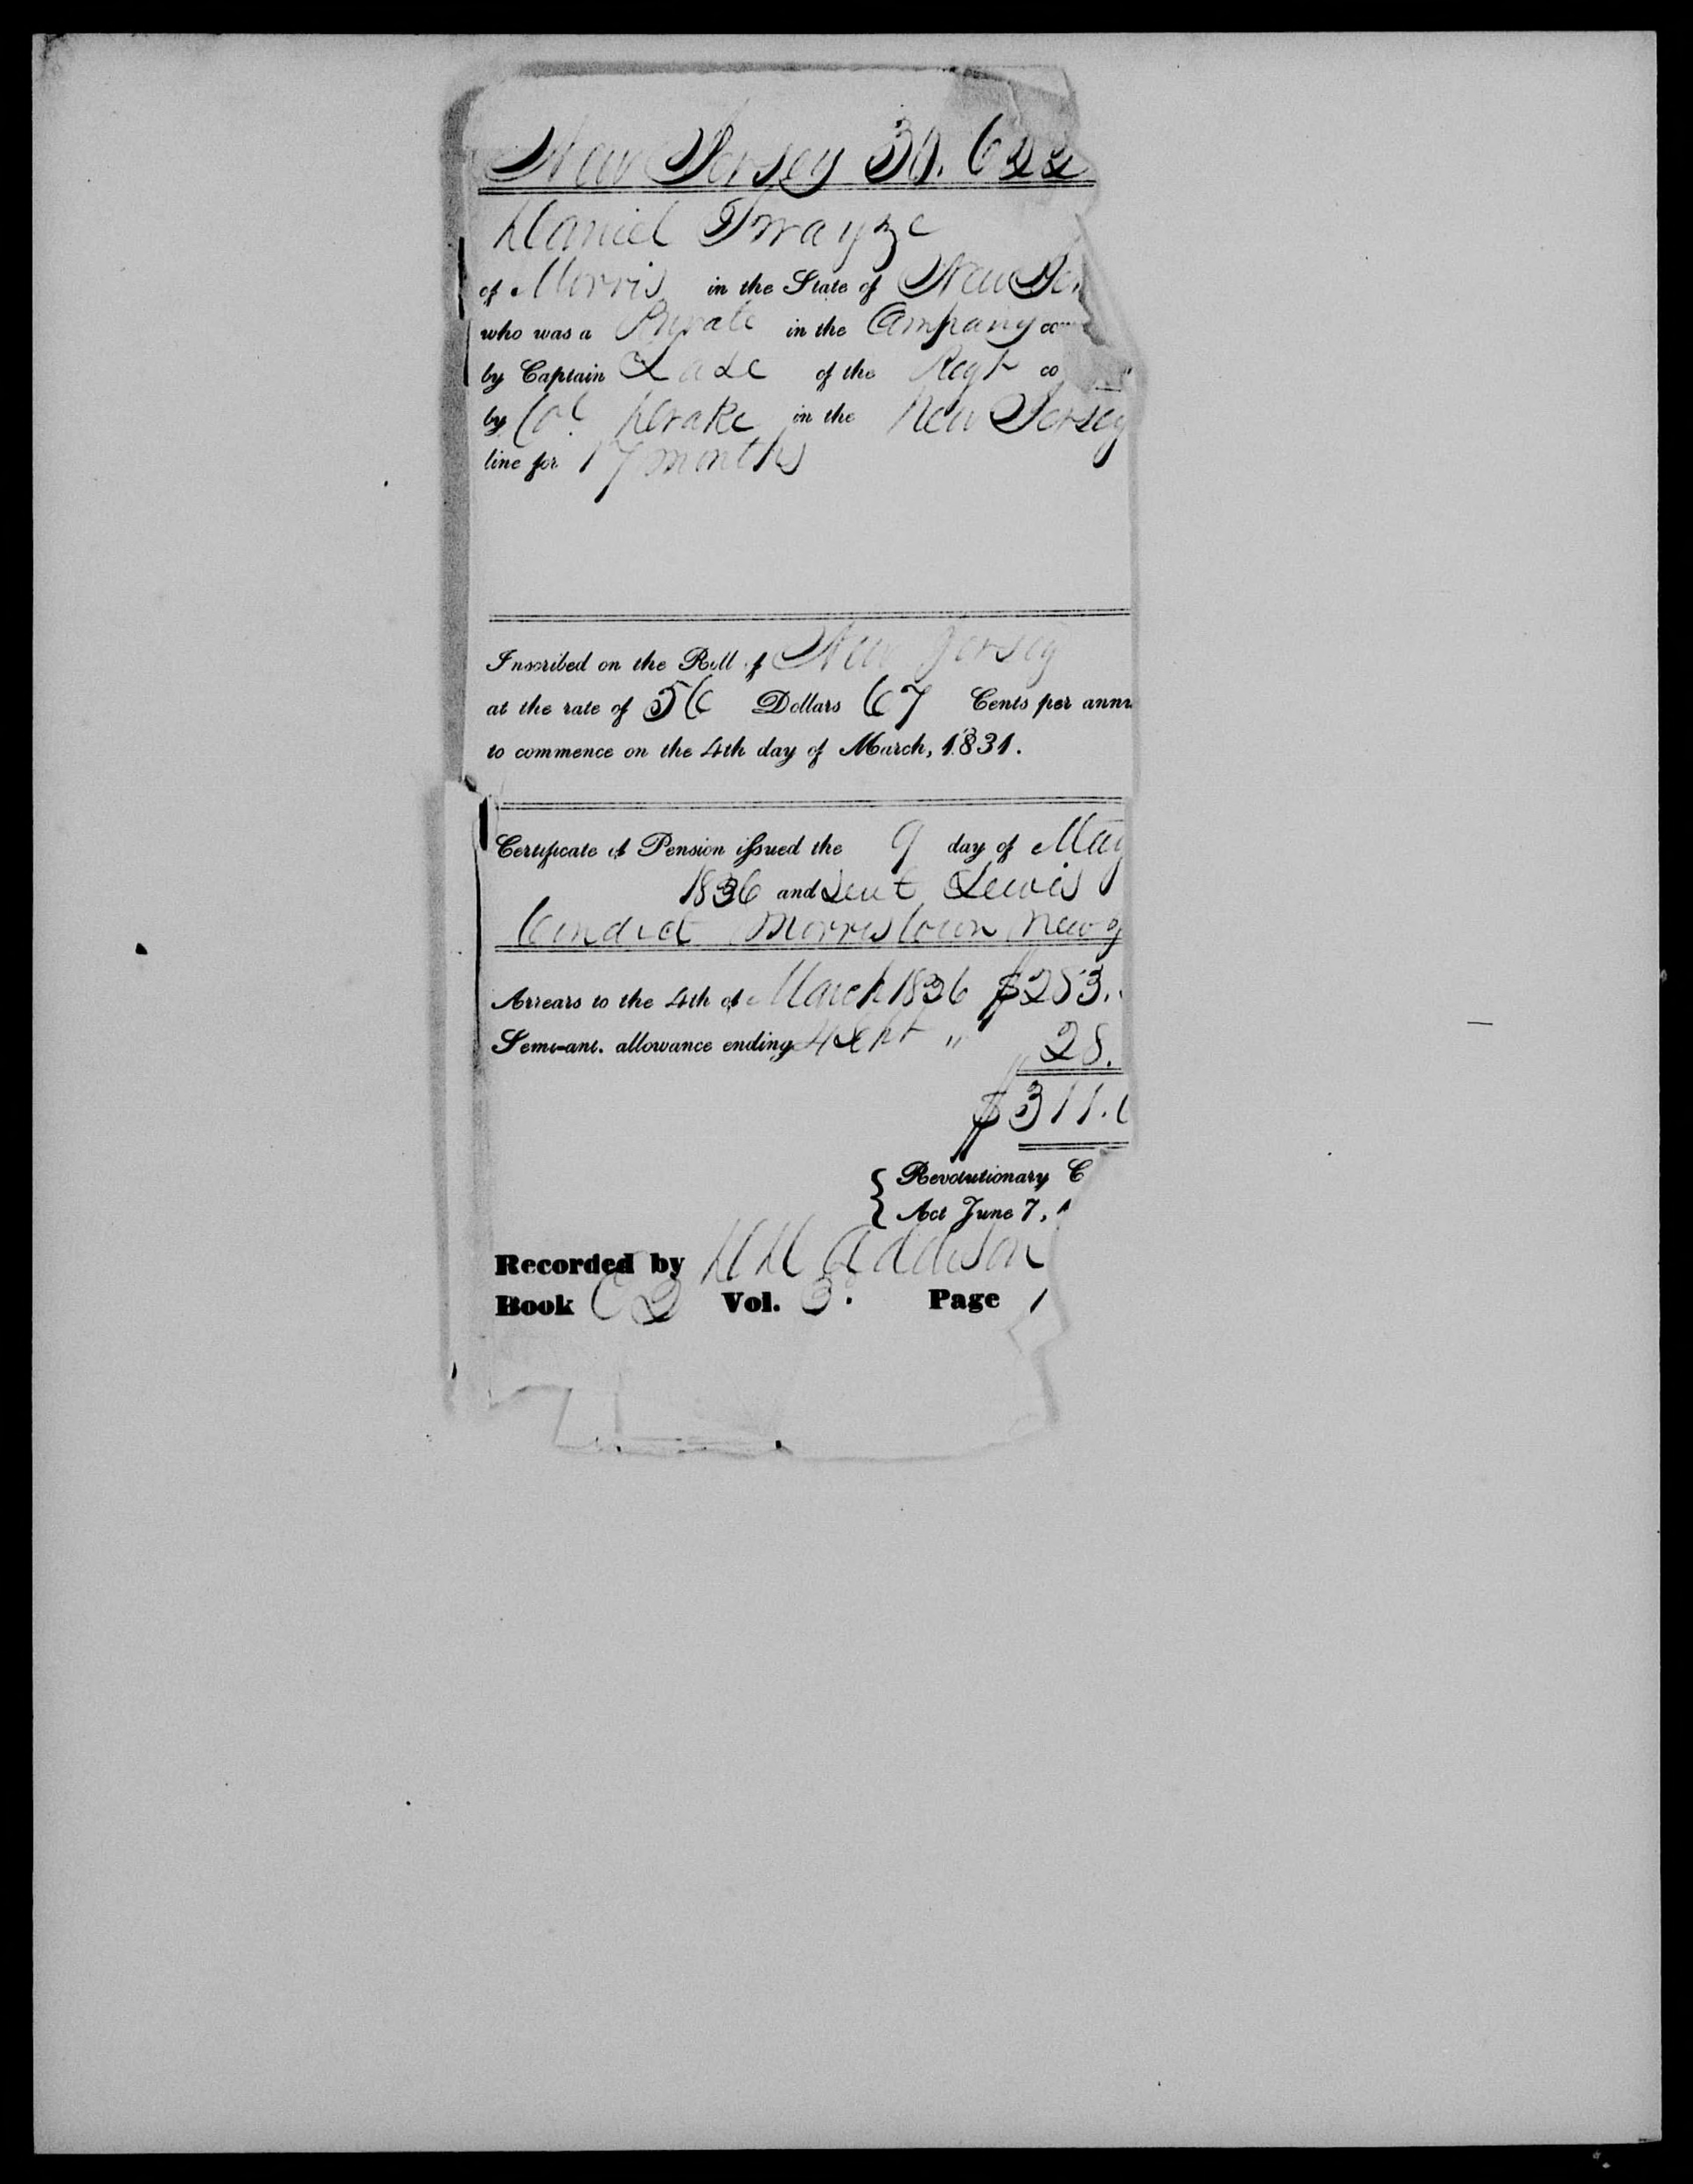New Jersey 32,622
Daniel Swayze
of Morris in the State of New Jer
who was a Private in the Company co
by Captain Lade of the Regt Co
by Col Drake in the New Jersey
line for 17 months
Inscribed on the Roll of New Jersey
at the rate of 56 Dollars 67 Cents per annu
to commence on the 4th day of March, 1831
Certificate of Pension issued the 9 day of May
1836 and Sent Lewis
Conduct Morristown New J
Arrears to the 4th of March 1836 $283
Semi Anl. allowance ending 4 Sept" 28
$311.
Revolutionary C
Act June 7,
Recorded by ND Addison
Book CD Vol. 30 Page 1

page: 2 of 20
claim: survivor's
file: S. 4911, for Daniel Swayze, New Jersey